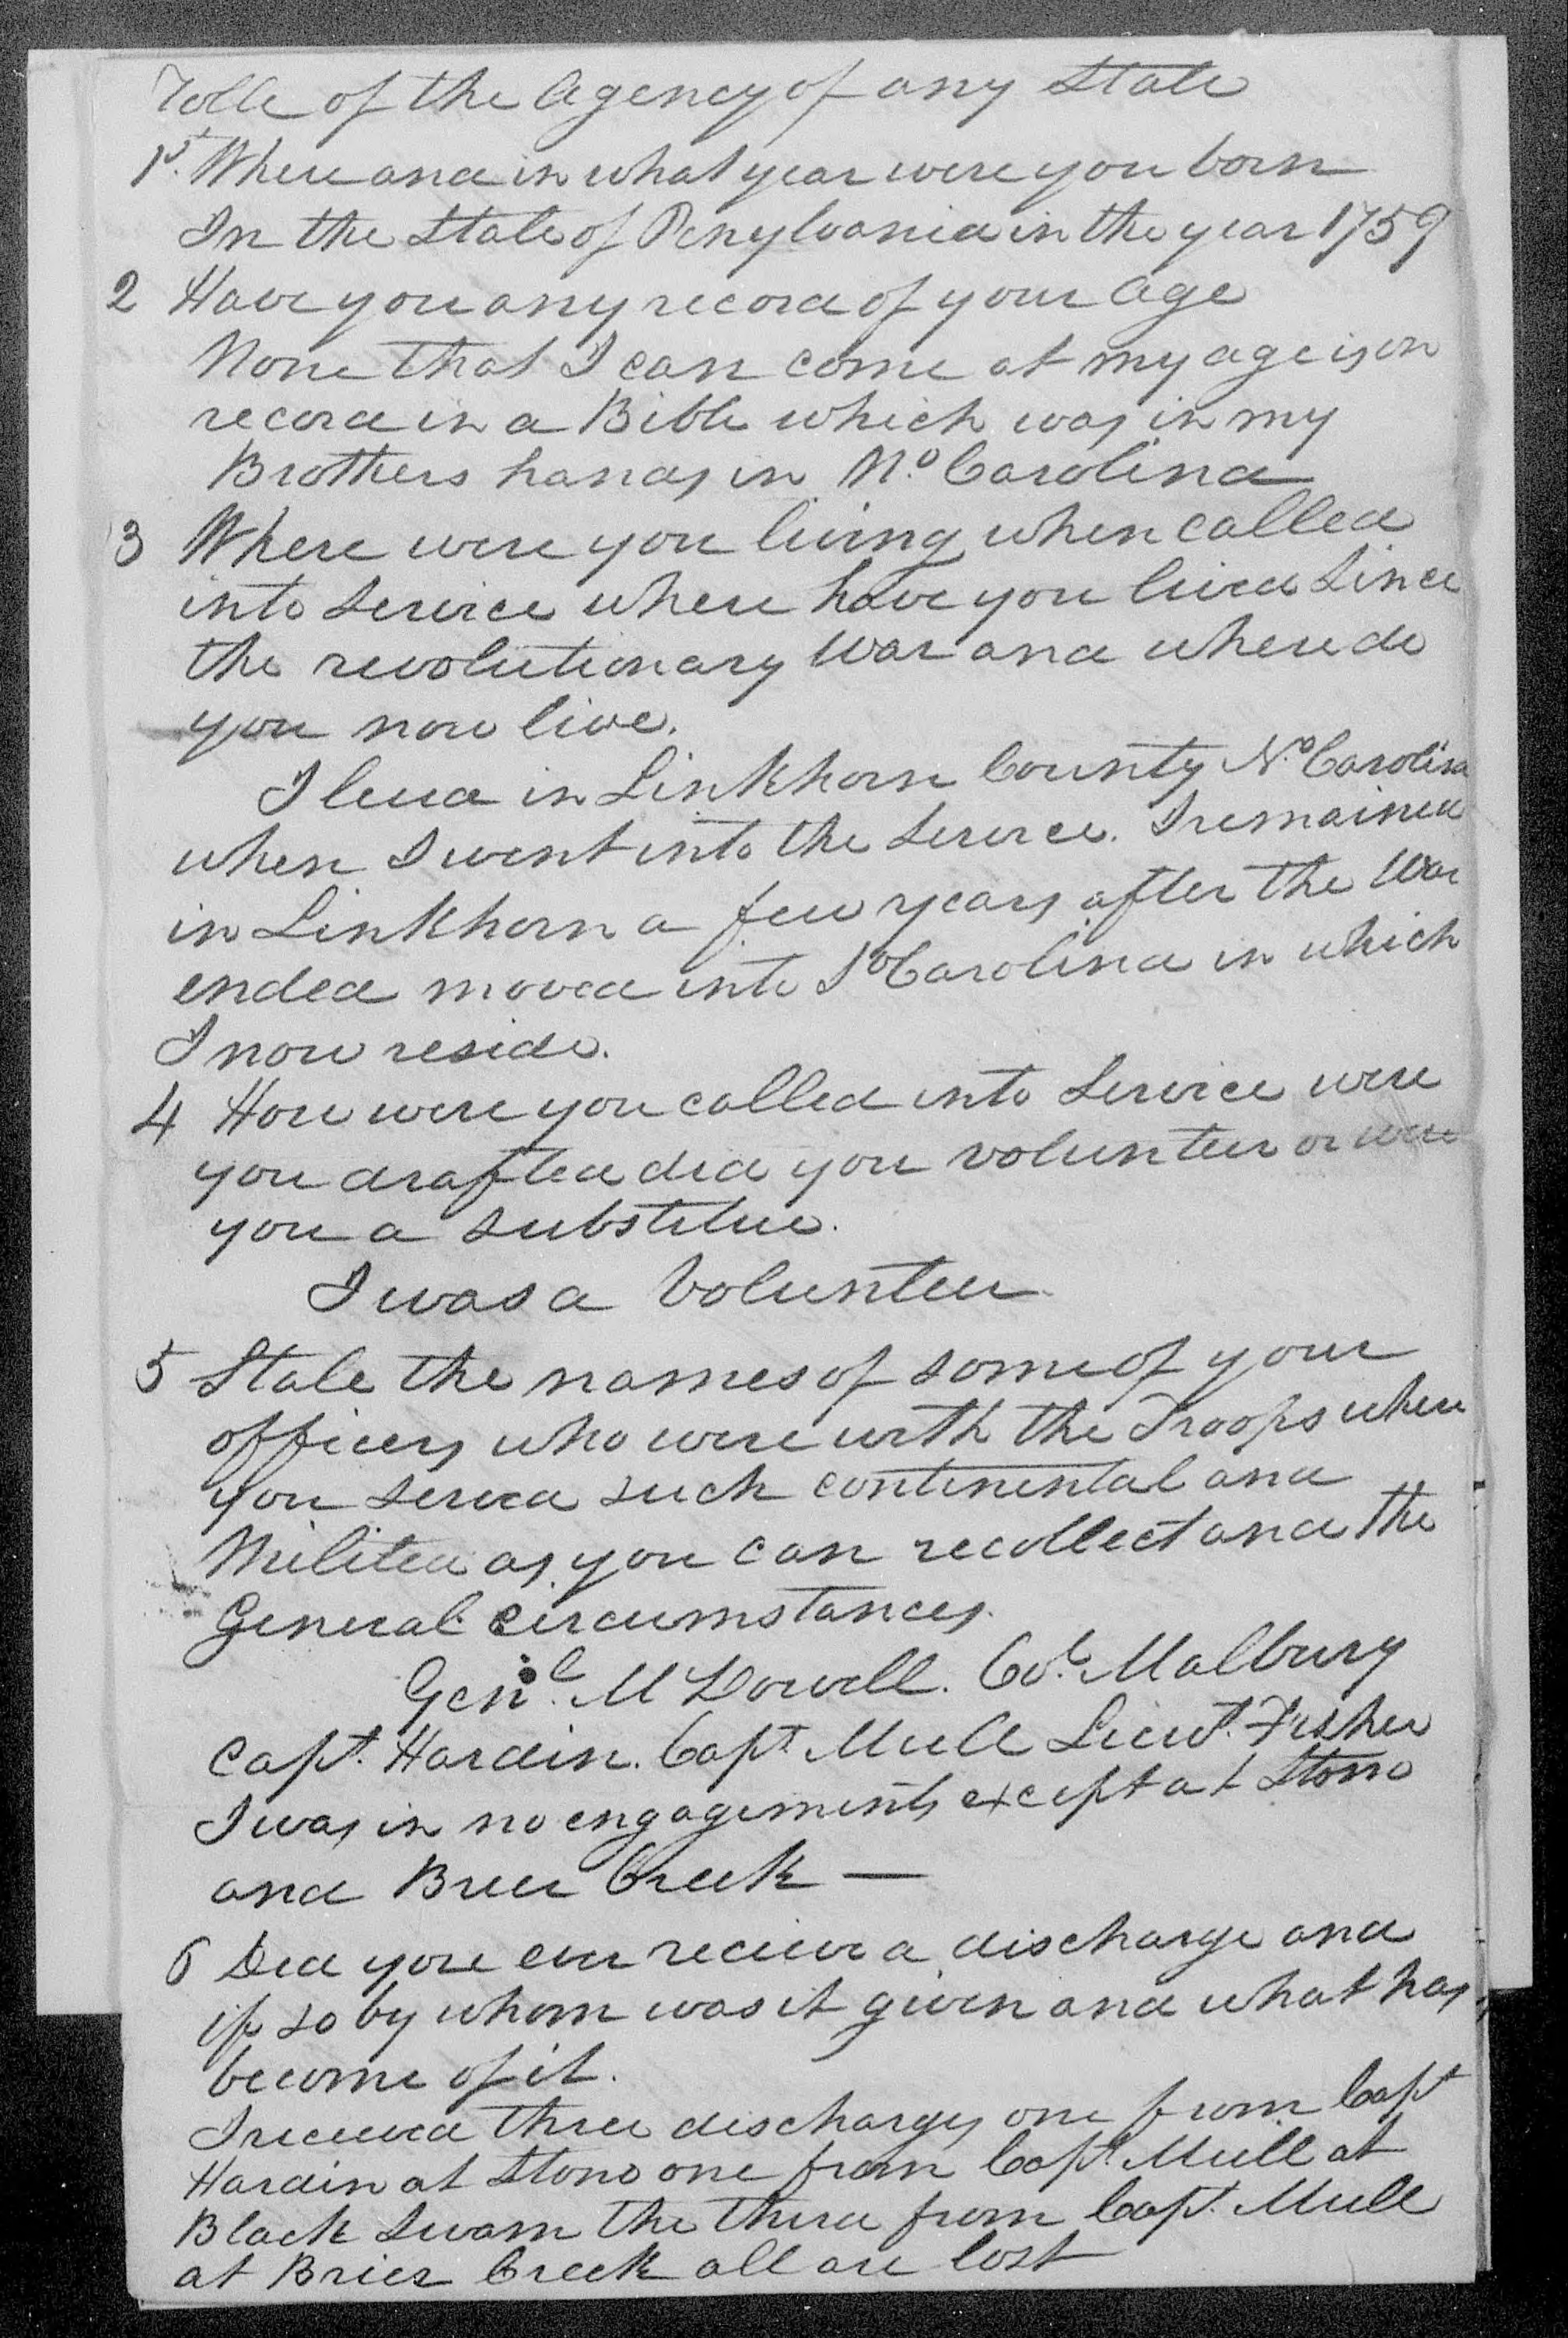Roll of agency of any State
1. Where and in what year where you born? in the State of Pennsylvania in the year 1759                                                                                                                                        2. Have you any record of your age, and if so, where is it?   None that I can come at my age is on record in a Bible which was in my Brothers hands in No Carolina                                                                                                                        3. Where were you living when called into service; where have you lived since the Revolutionary war, and where do you now live?   I lived in Linkhorn County No. Carolina when I went into the service I remained in Linkhorn a few years after the war ended moved into So. Carolina in which I now reside.                                                                                                                                                                                                   4. How were you called into service; were you drafted, did you volunteer, or were you a substitute?    I was a volunteer                                                    5. State the names of some of the Regular Officers, who were with the troops, where you served; such Continental and Militia Regiments as you can recollect, and the general circumstances of your services.    Gen McDowell, Col Malbury Capt Hardin Capt Mull Lieut Fisher I was in no engagements except at Stone and Brier Creek                                                        6. Did you ever receive a discharge from the service, and if so, by whom was it given and what has become of it?    I received three discharges one from Capt Hardin at Stone one from Capt Mull at Black Swarm the third from Capt Mull at Brier Creek all are lost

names: [BLANK] Mc Dowell; [BLANK] Hardin; [BLANK] Malburg; [BLANK] Fisher; [BLANK] Mull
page: 5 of 13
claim: survivor's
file: S. 9,456, for John Peterson, North Carolina